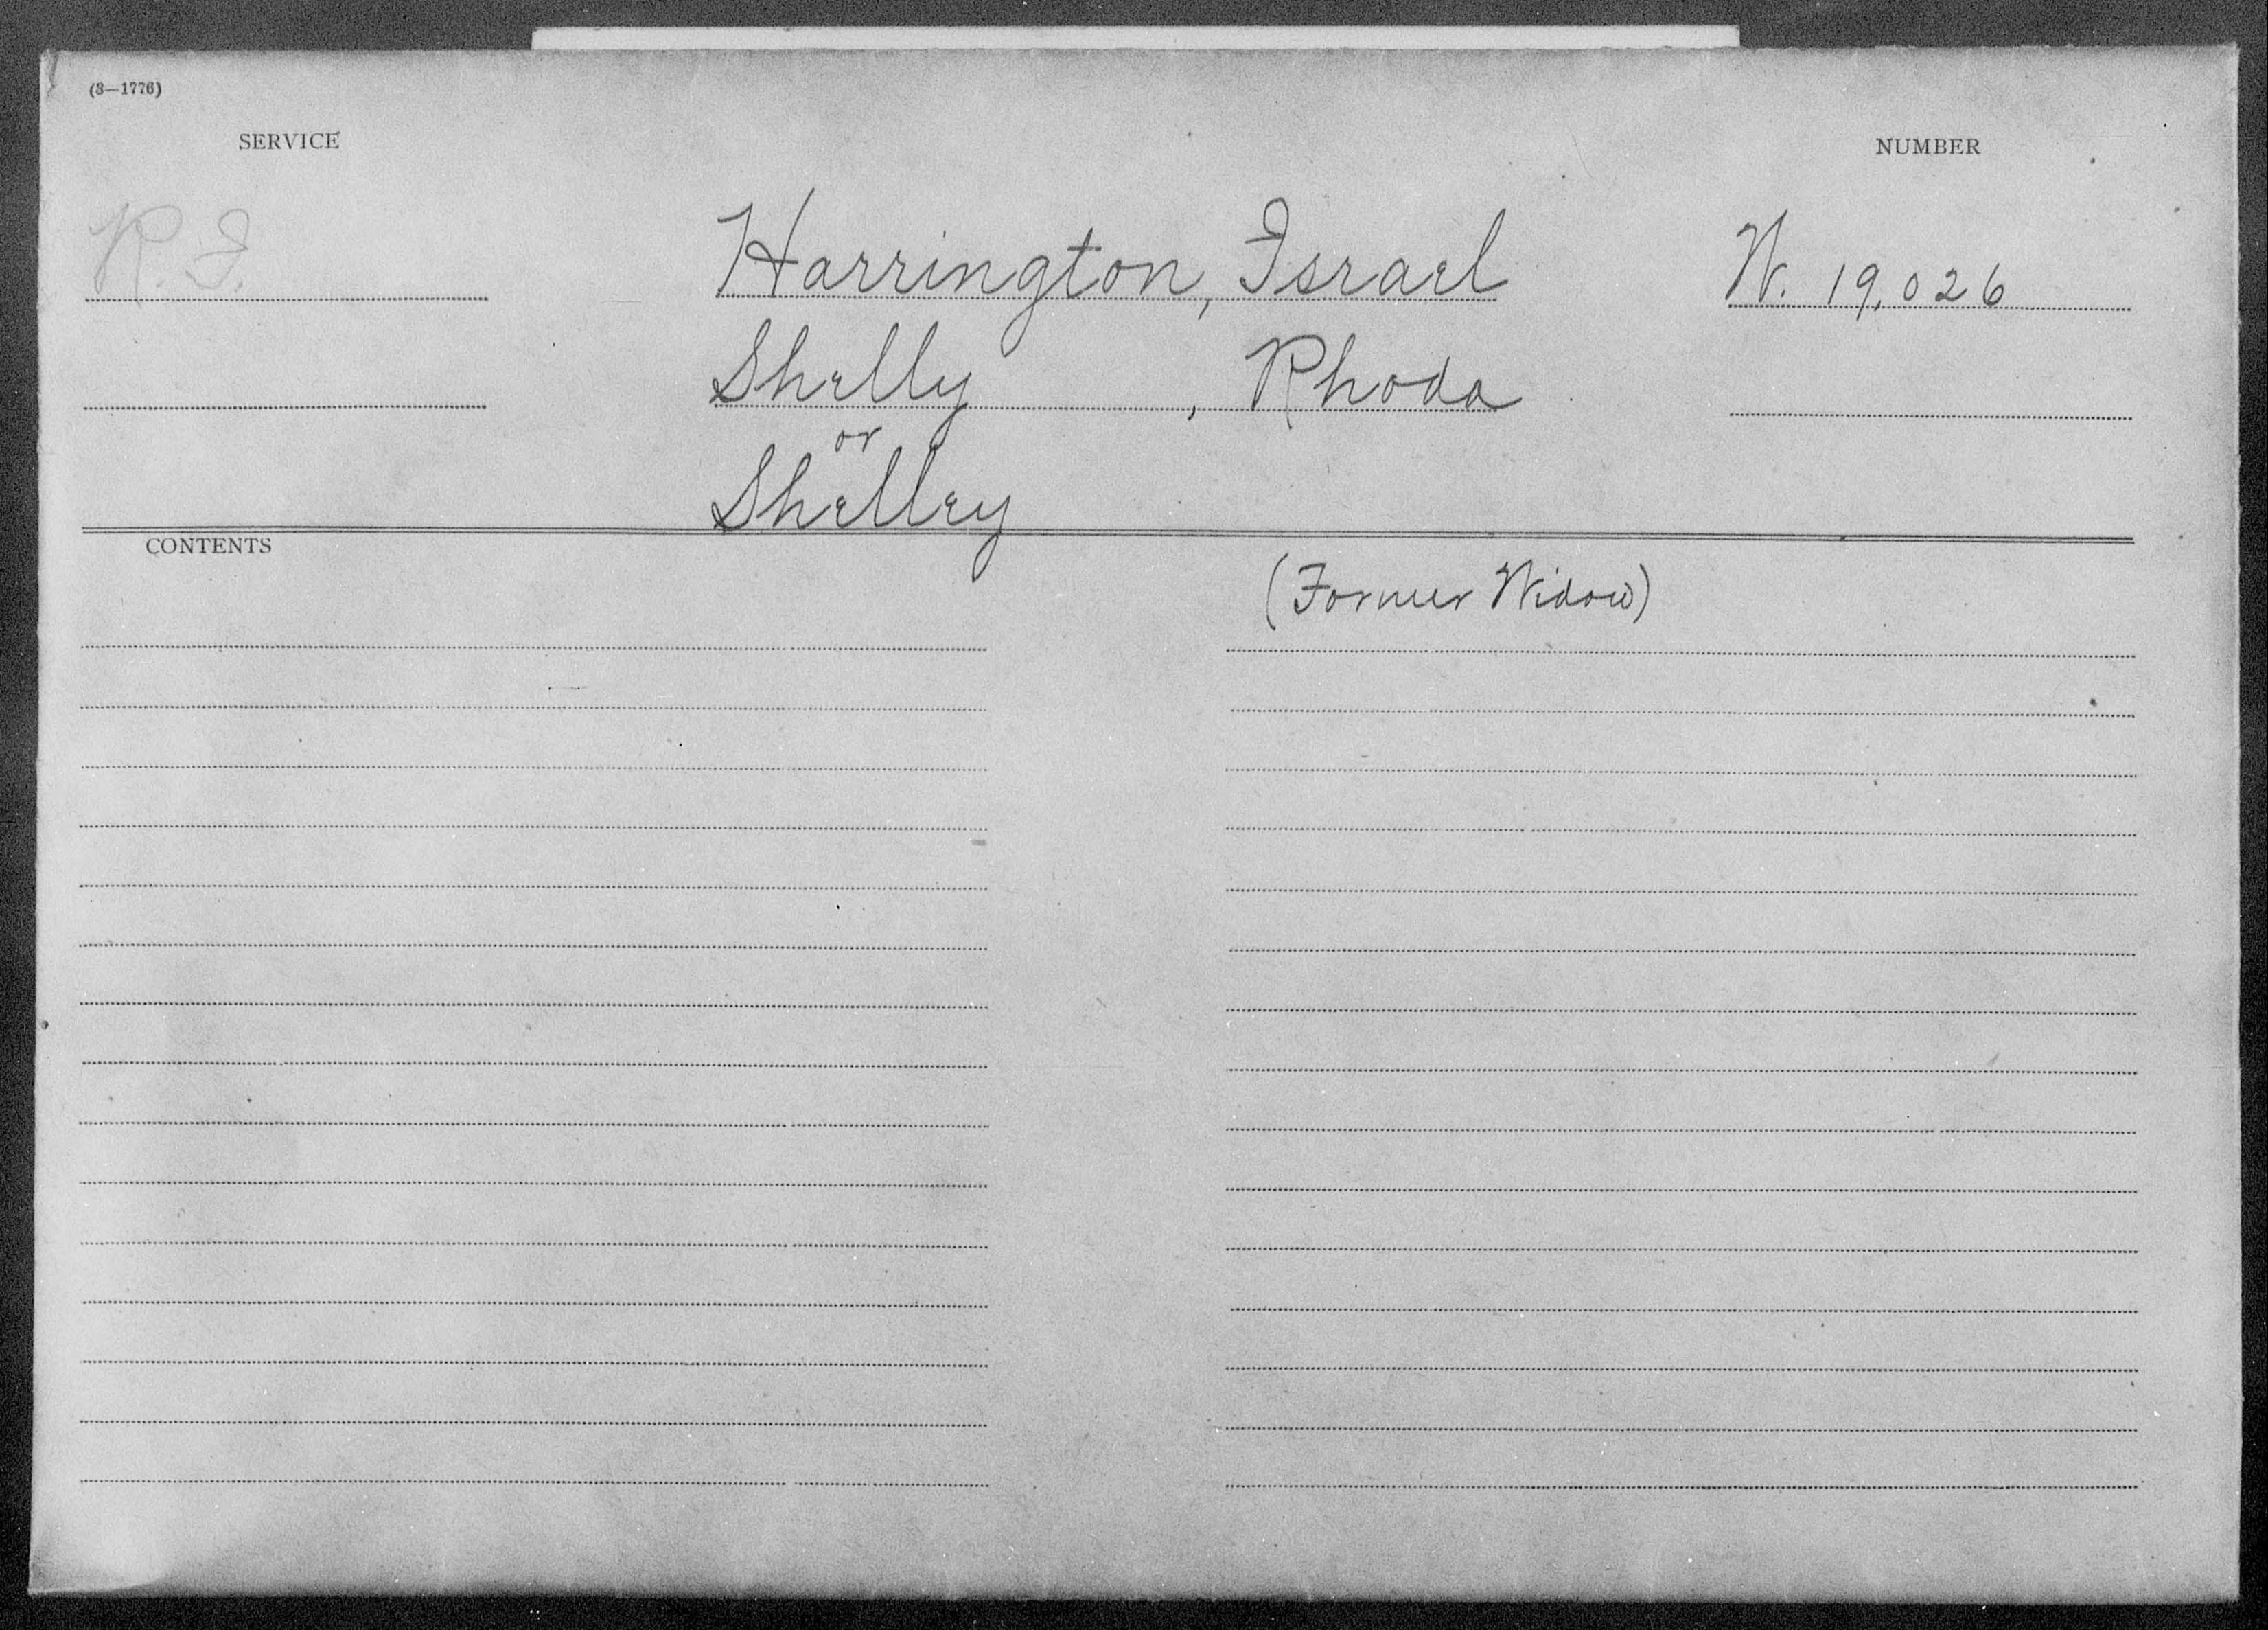(3-1776)

SERVICE
R.I.

Harrington, Israel
Shelly or Shelley, Rhoda

NUMBER
W. 19,026

CONTENTS
(Former Widow)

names: Rhoda Shelley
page: 1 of 51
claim: widow's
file: W. 19,026, Israel Harrington, R.I.